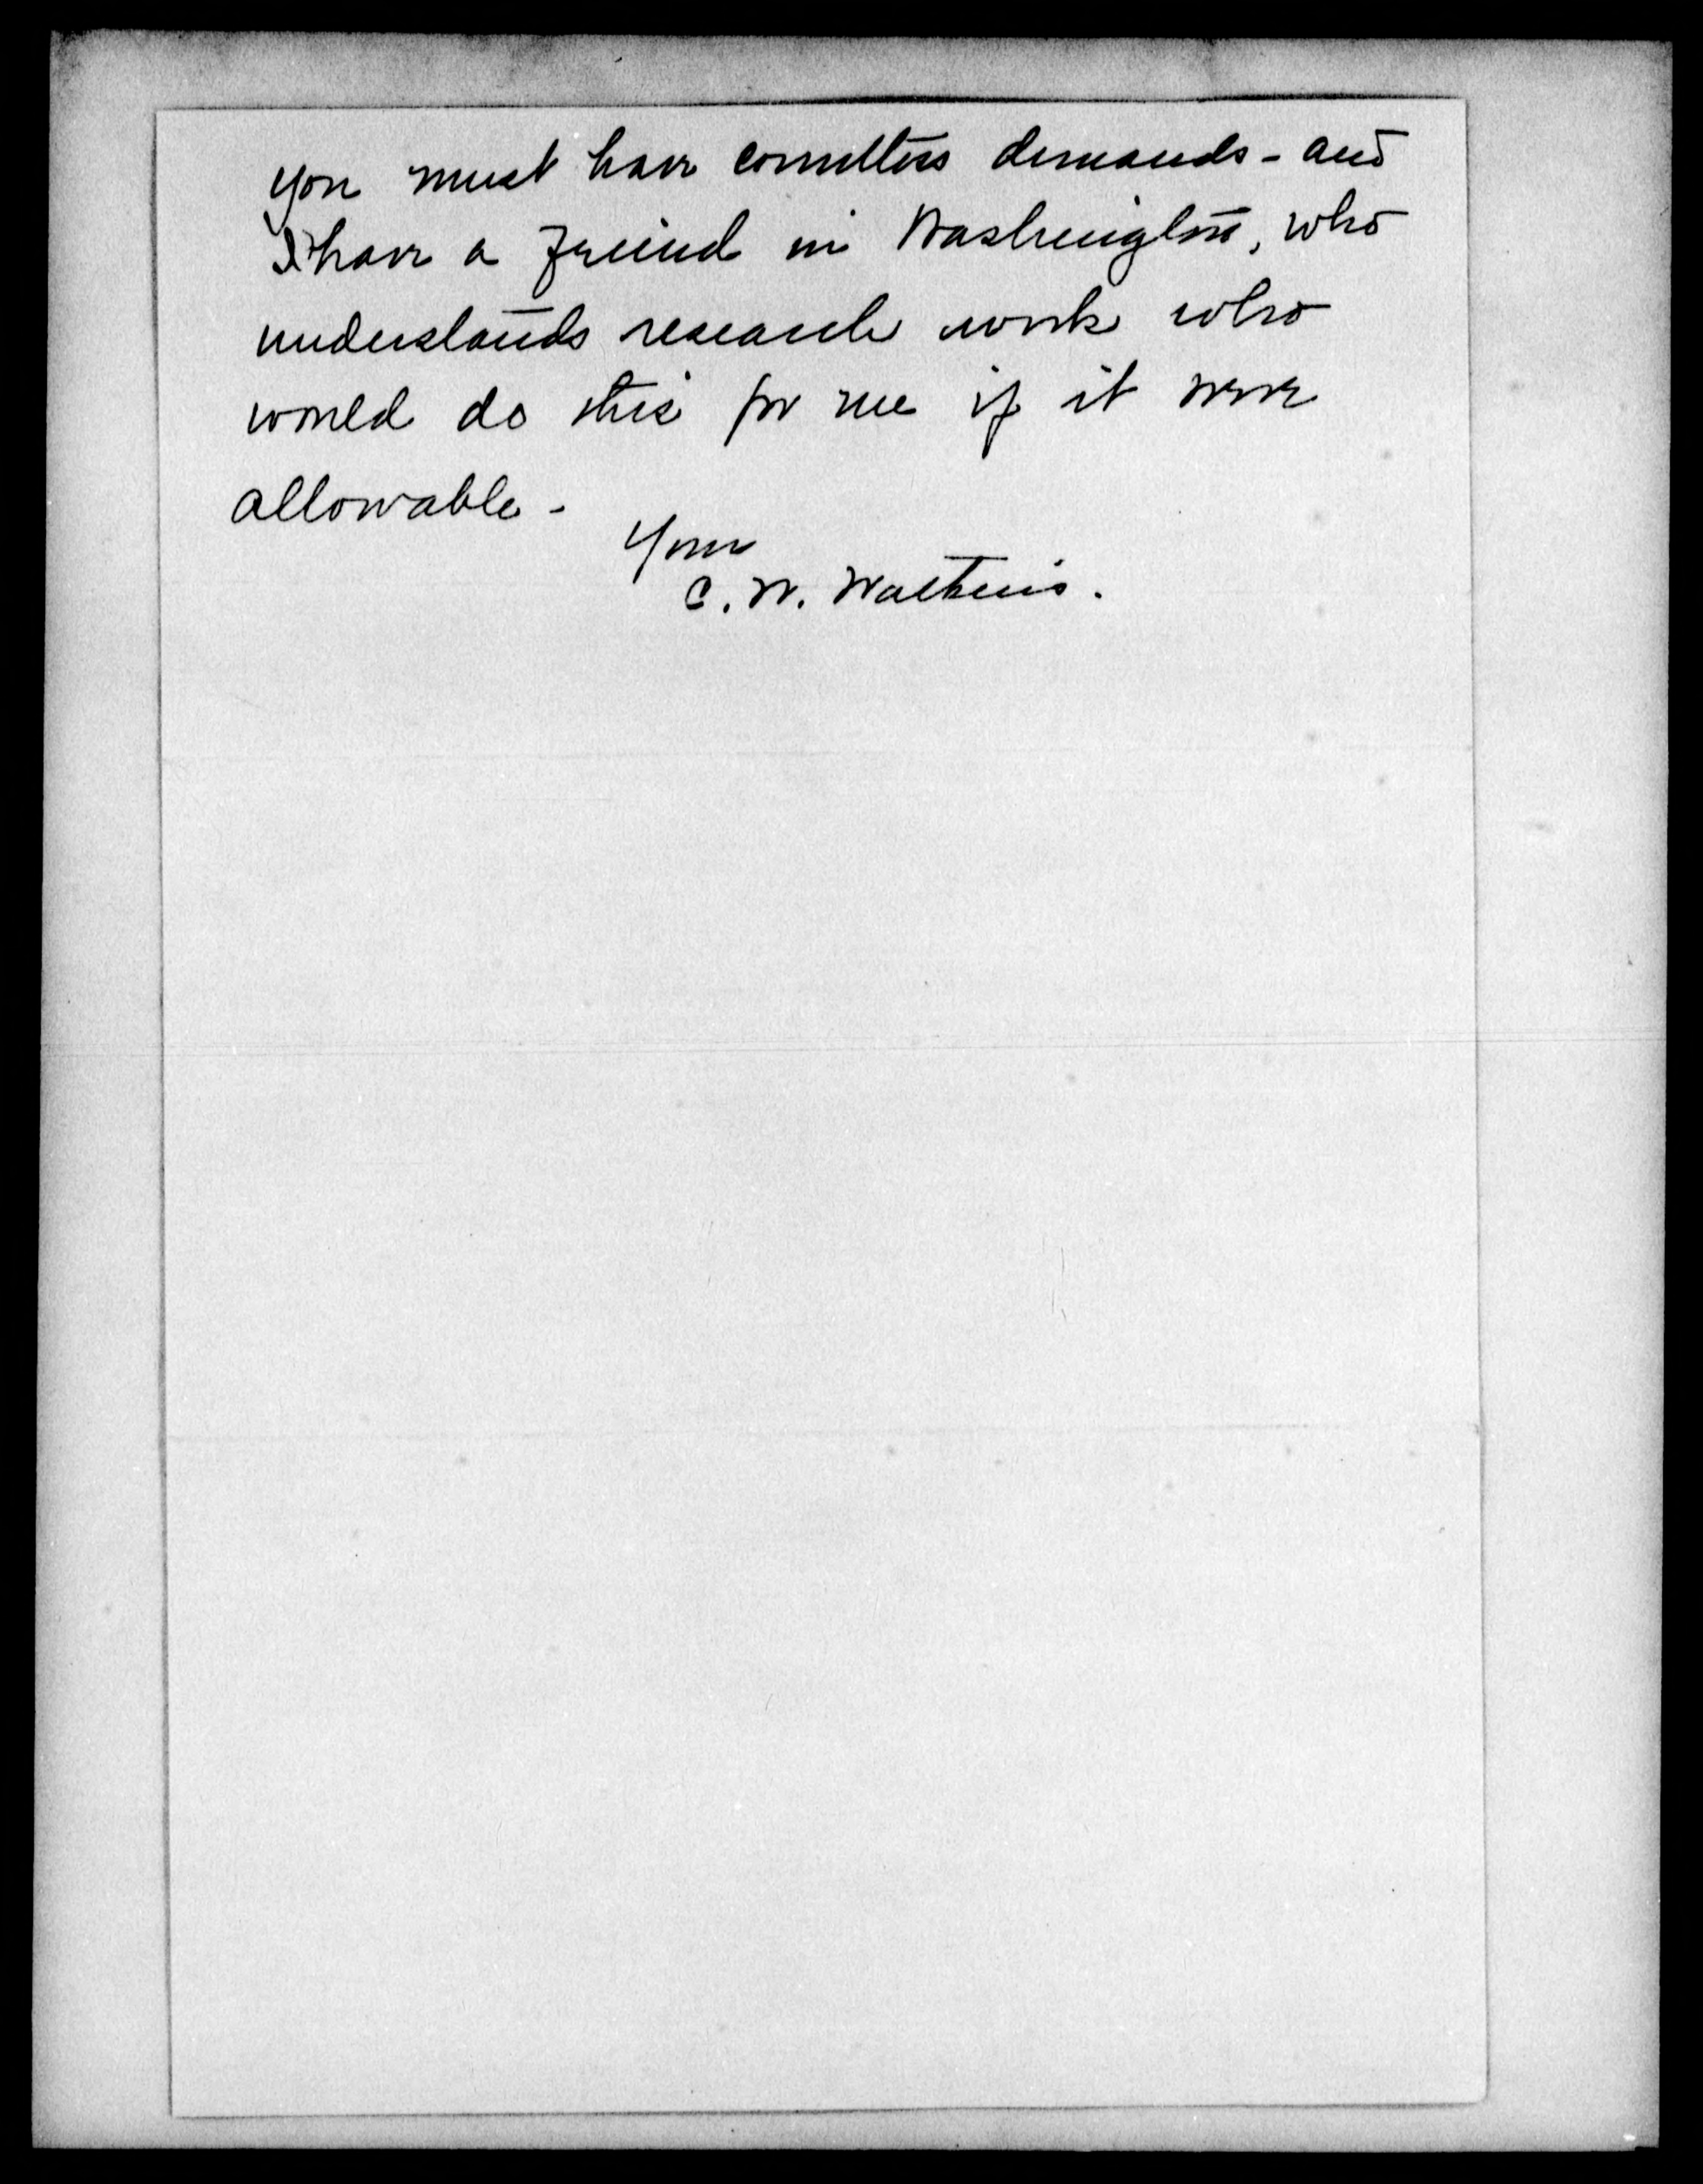you must have [comitters?] demands and I have a friend in Washington, who understands research work who would do this for me if it were
allowable.

Yours
C. W. Watkins. [signature]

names: C W Watkins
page: 27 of 70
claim: rejected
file: R. 10,832, Martin Van Buskirk, New York.